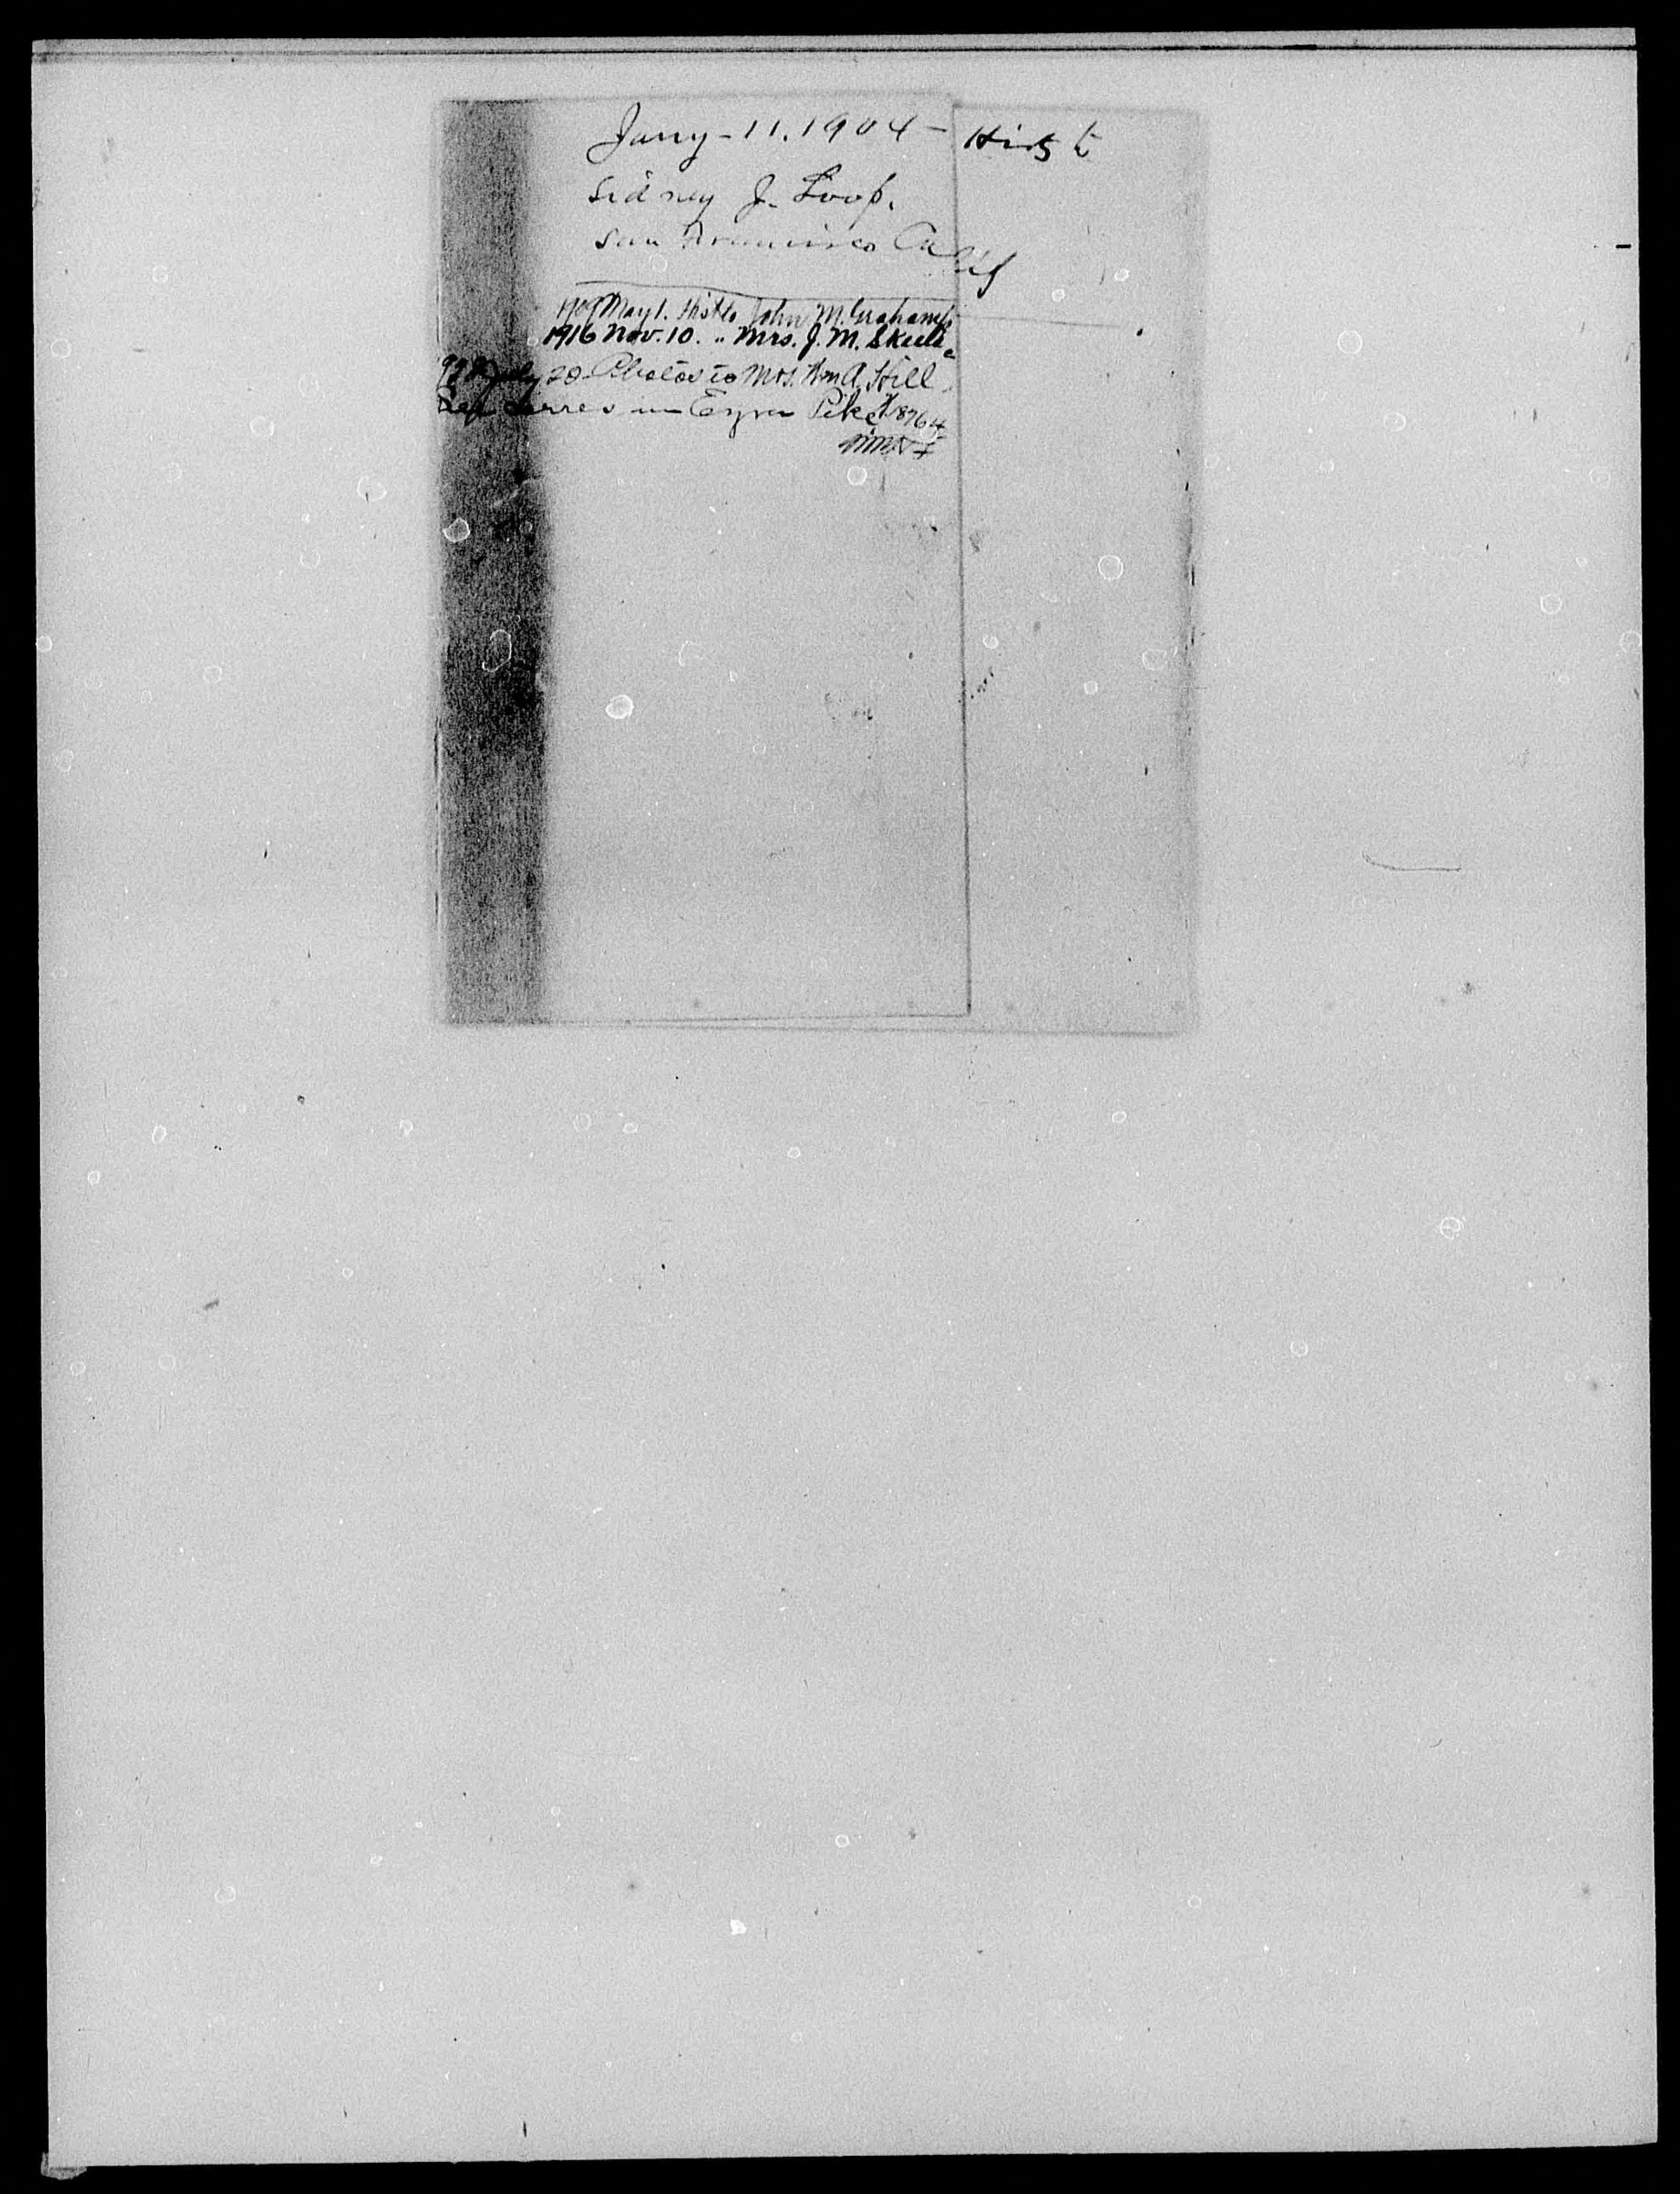Jany - 11, 1904 - Hist to
Sidney J. Loop.
San Francisco Calif

1909 May 1. Hist to John M. Graham
1916 Nov. 10 " Mrs. J. M. Skeels
[Illegible] July 20 Photos to Mrs. Wm A Hill
[Illegible] in Ezra Pike [Illegible]18764
[Illegible initials]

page: 26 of 47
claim: widow's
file: W. 17879, for Seth Strong, Connecticut